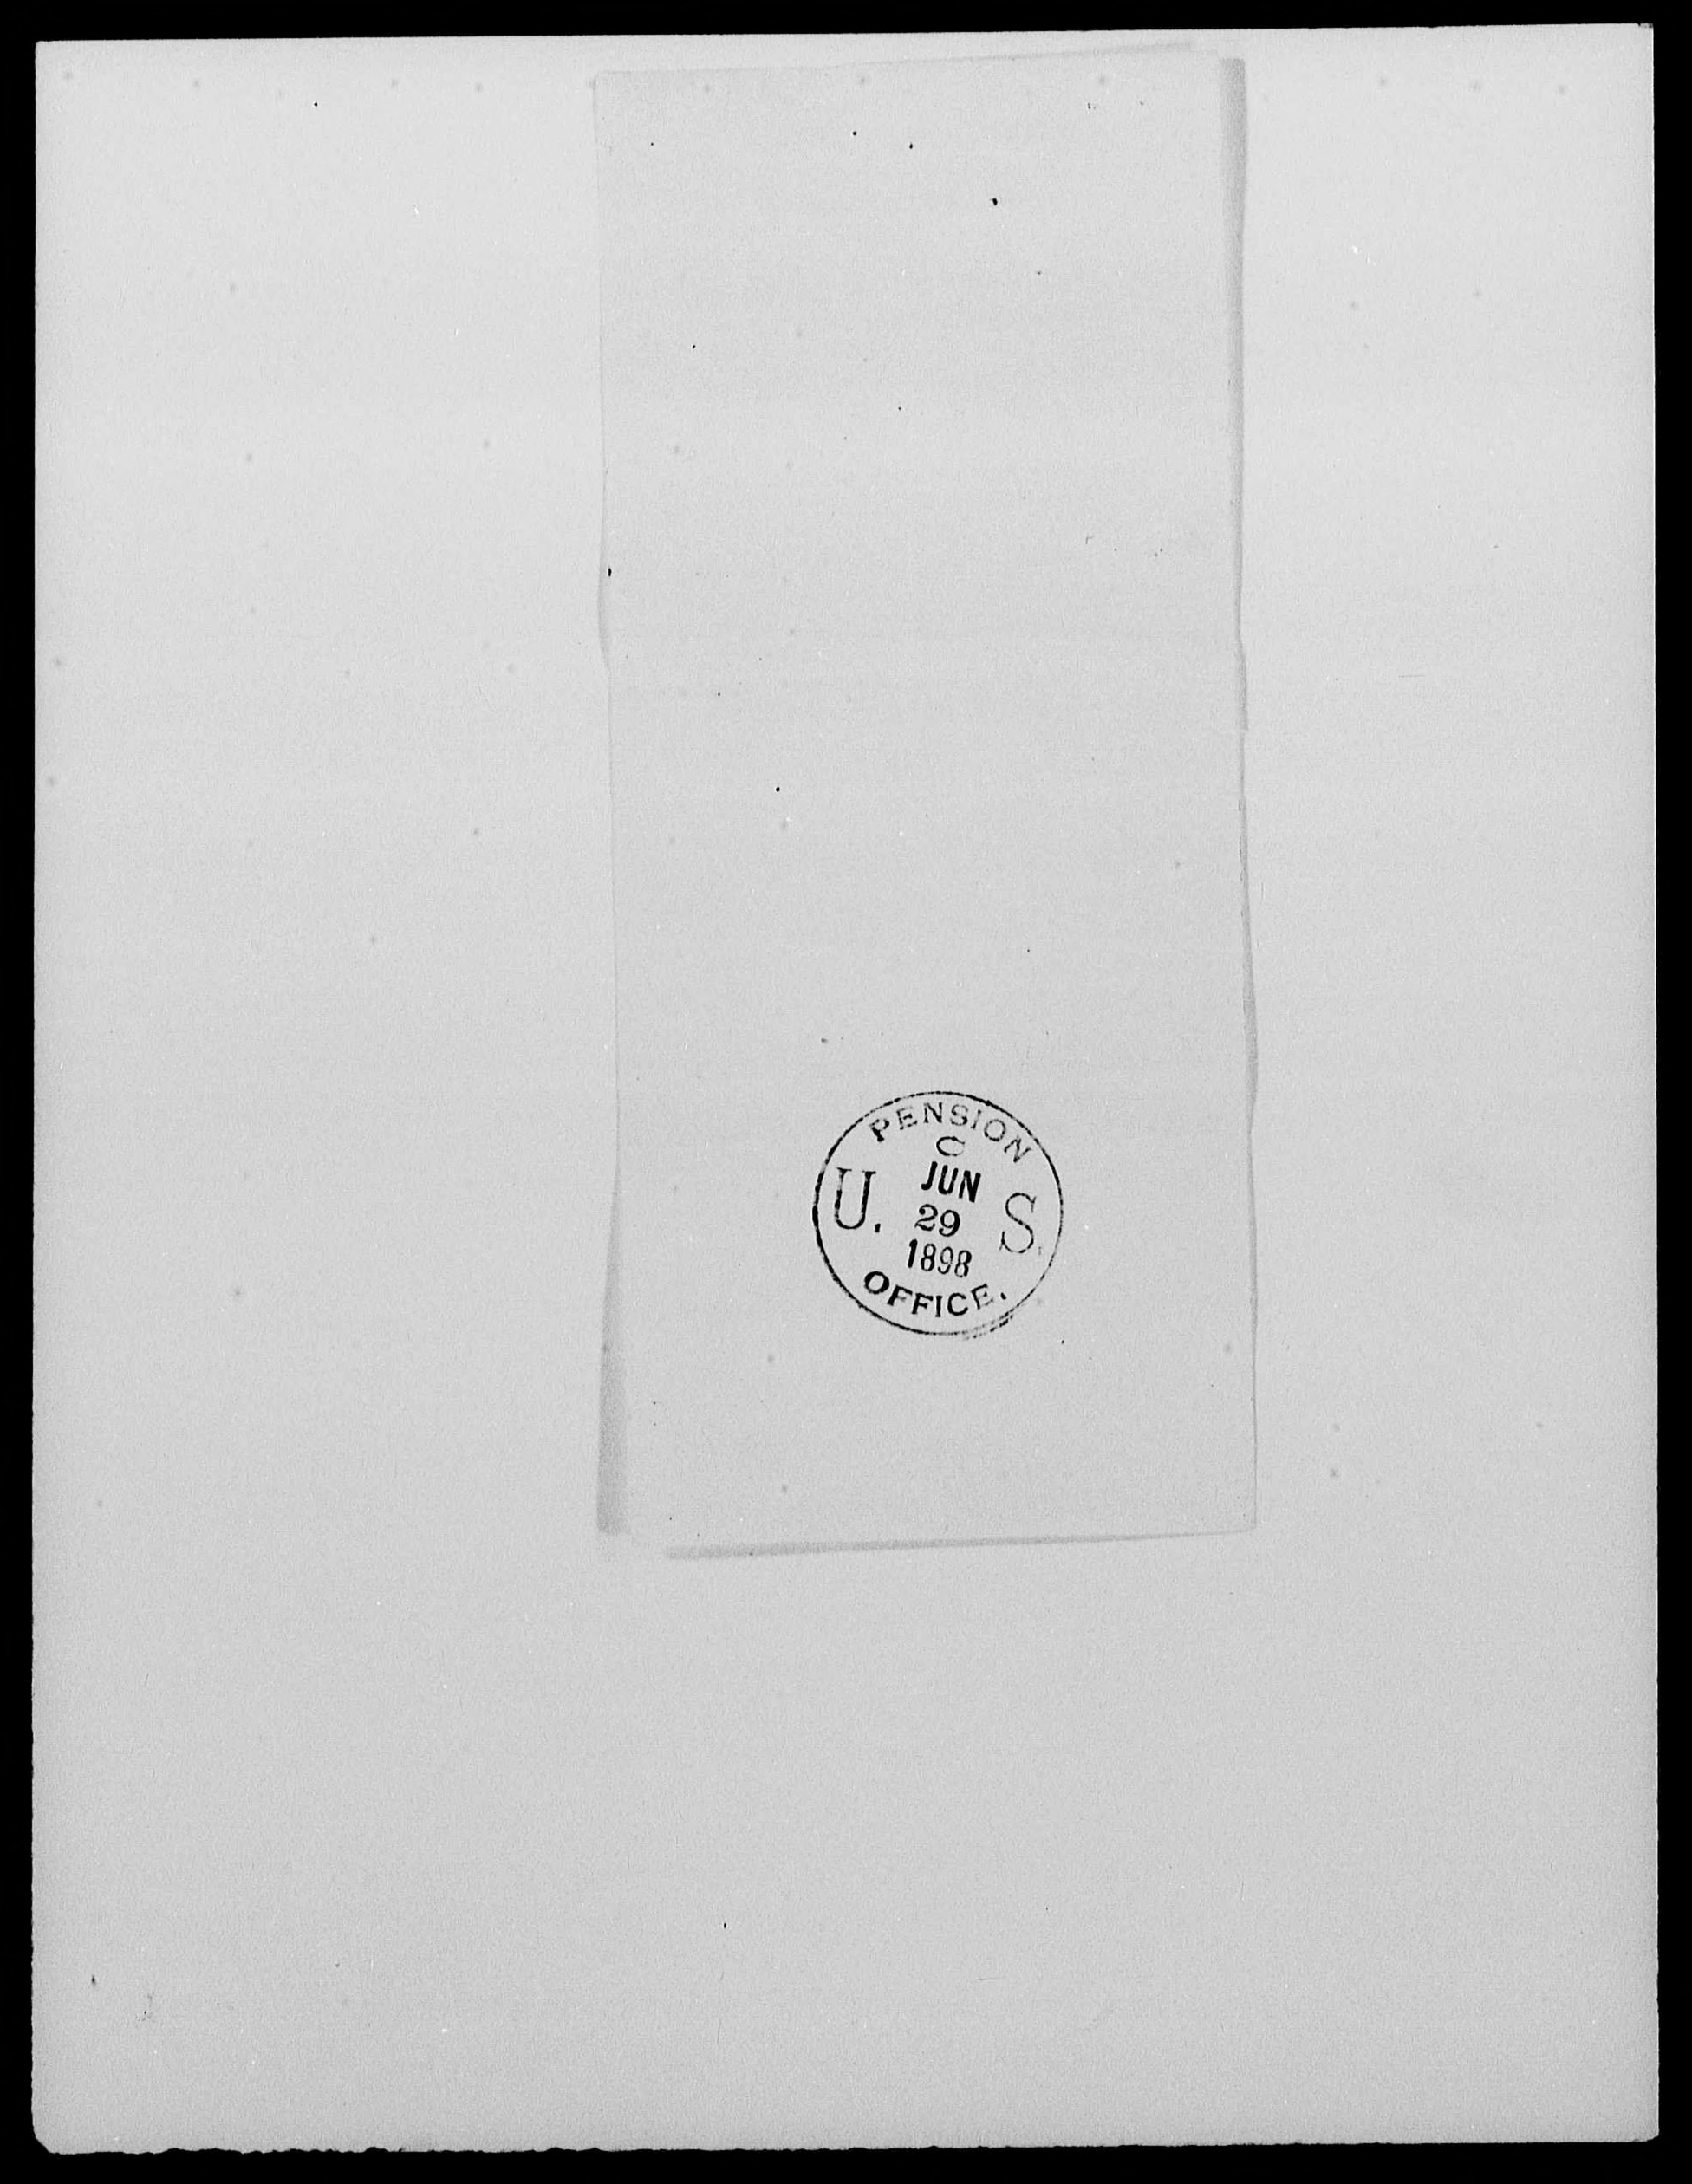[stamp]
U. S. PENSION OFFICE.
C
JUN 29 1898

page: 70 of 83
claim: widow's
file: W. 5946, John Brandon, Penn